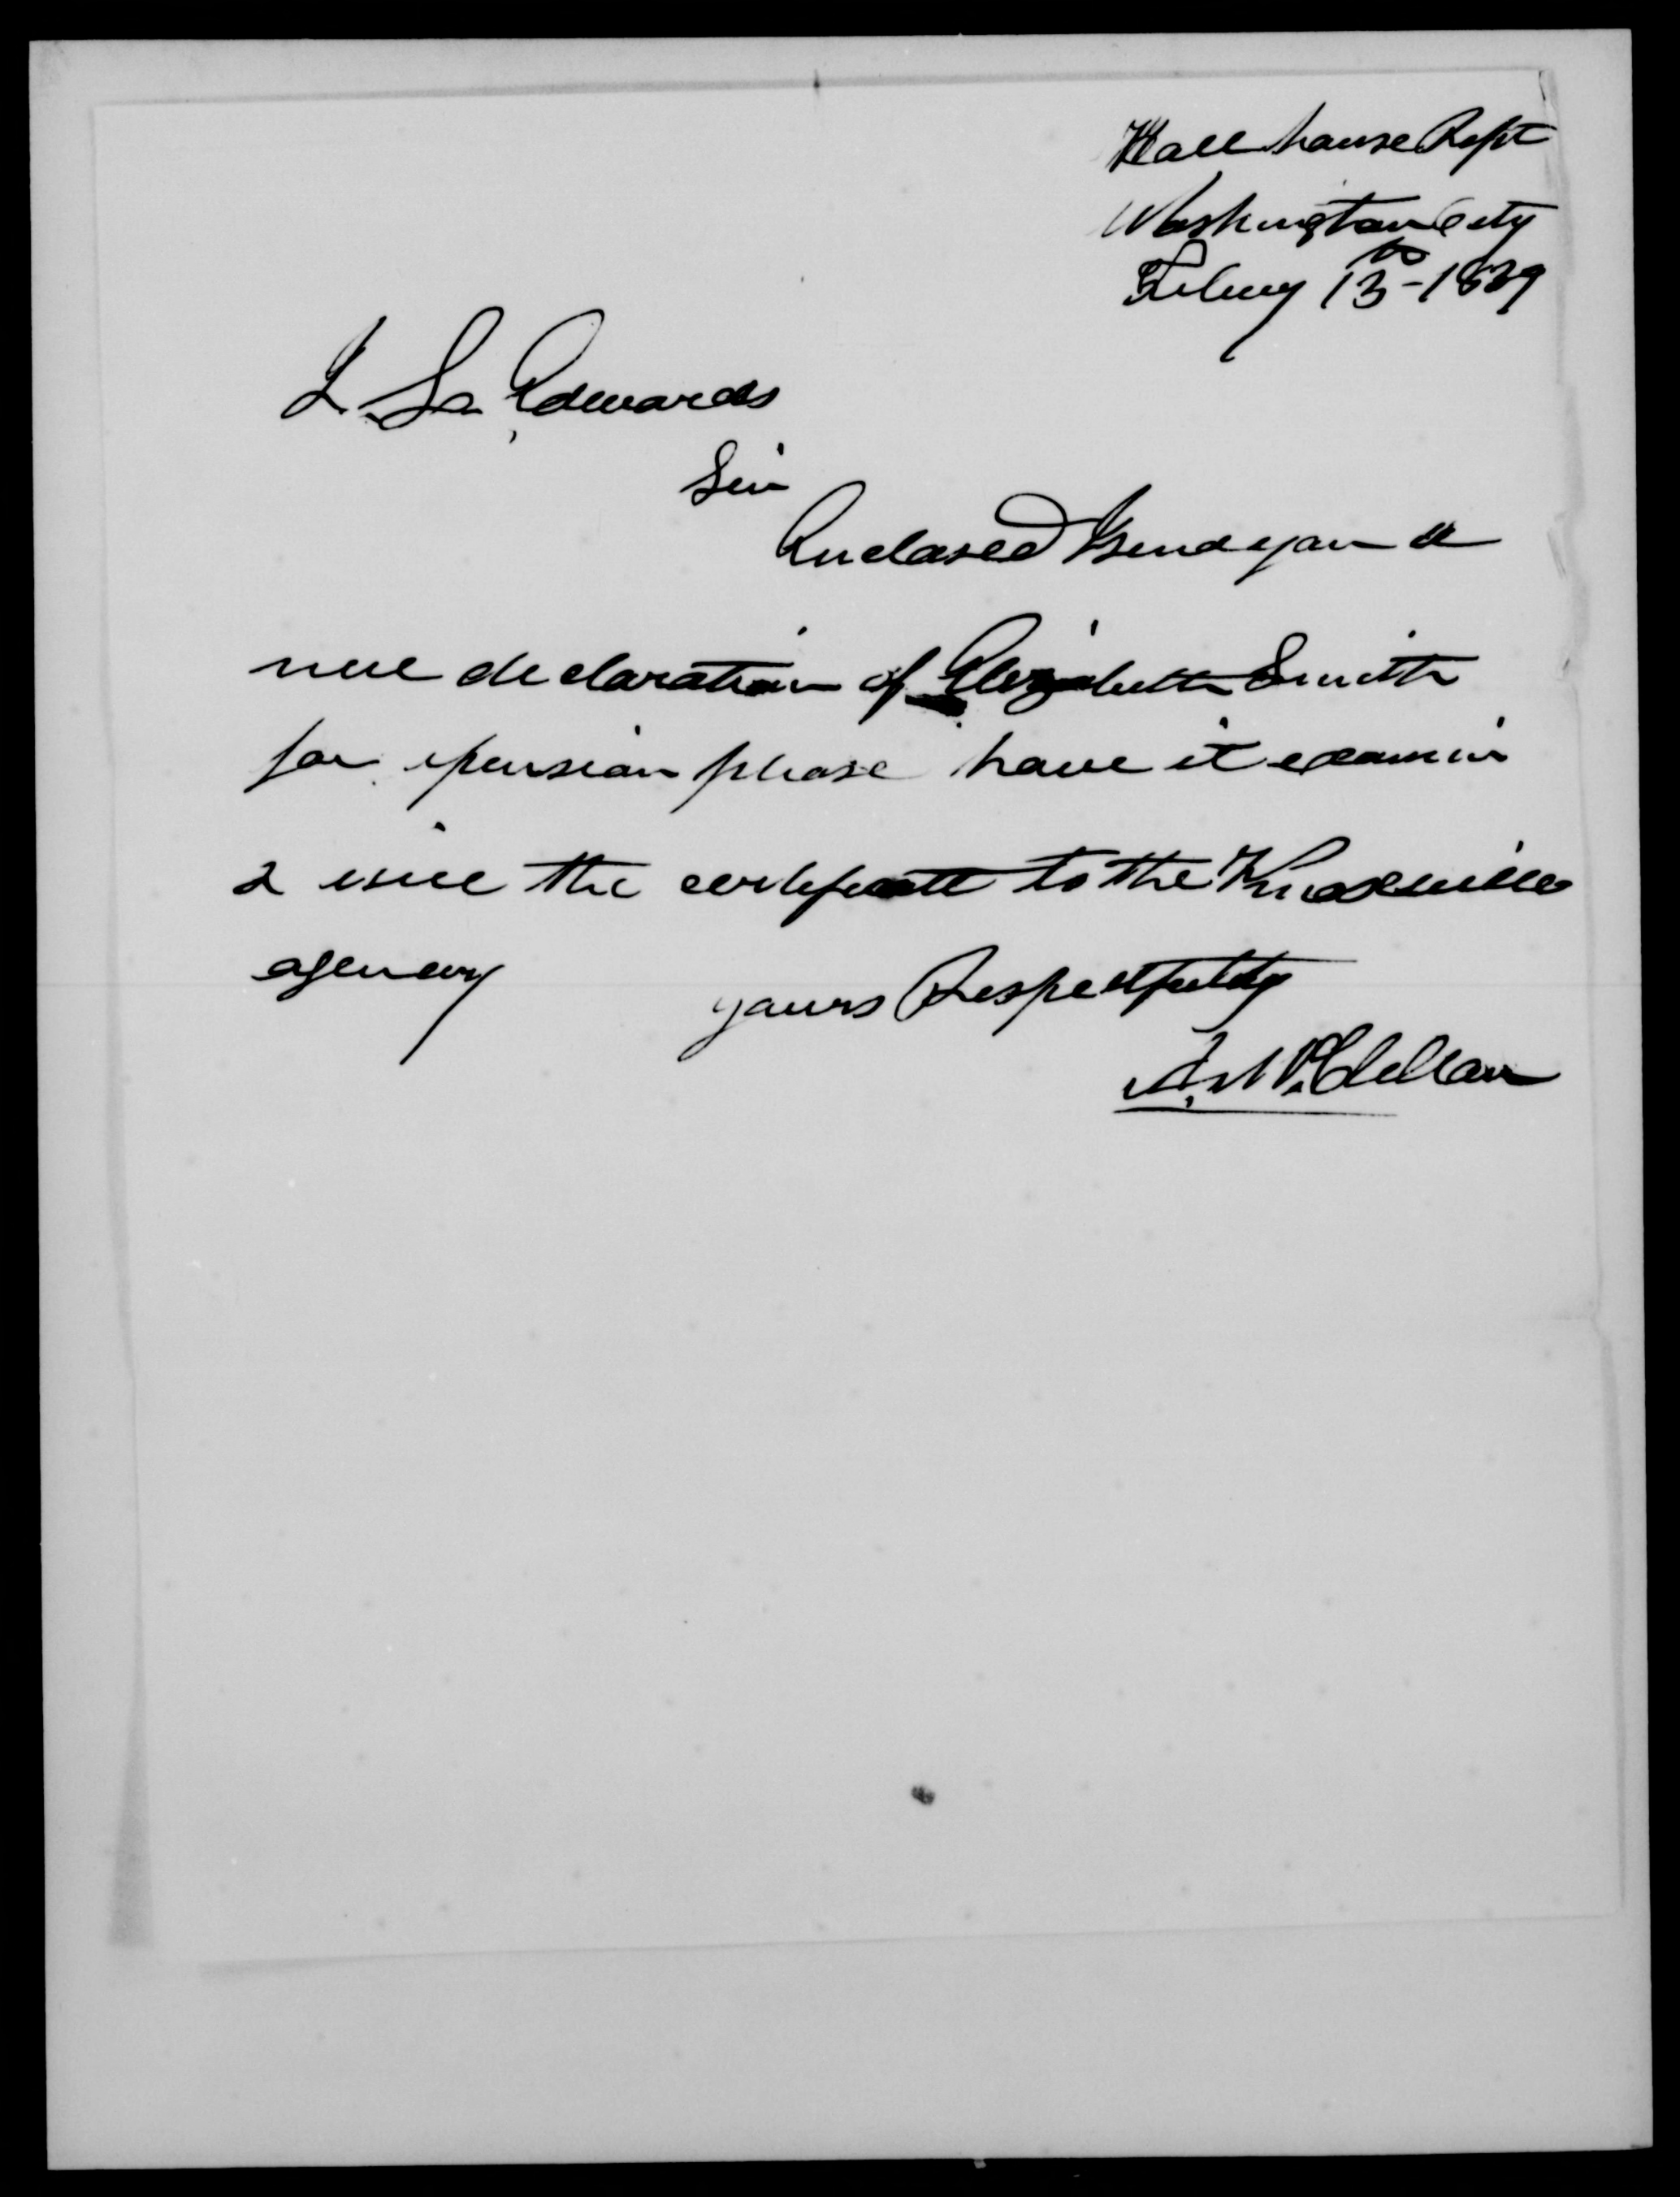Hall house Rept
Washington City
Feby 13 1829
J L Edwards
Sir
Inclosed send you a new declaration of  Elizabeth Smith
for pension please have it examine
& will the certificate to the Rogersville agency 
Yours Respectfully
A. McClellan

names: A Mc Clellan; J L Edwards; Elizabeth Smith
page: 53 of 79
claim: widow's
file: W. 1504, for Robert Smith, North Carolina